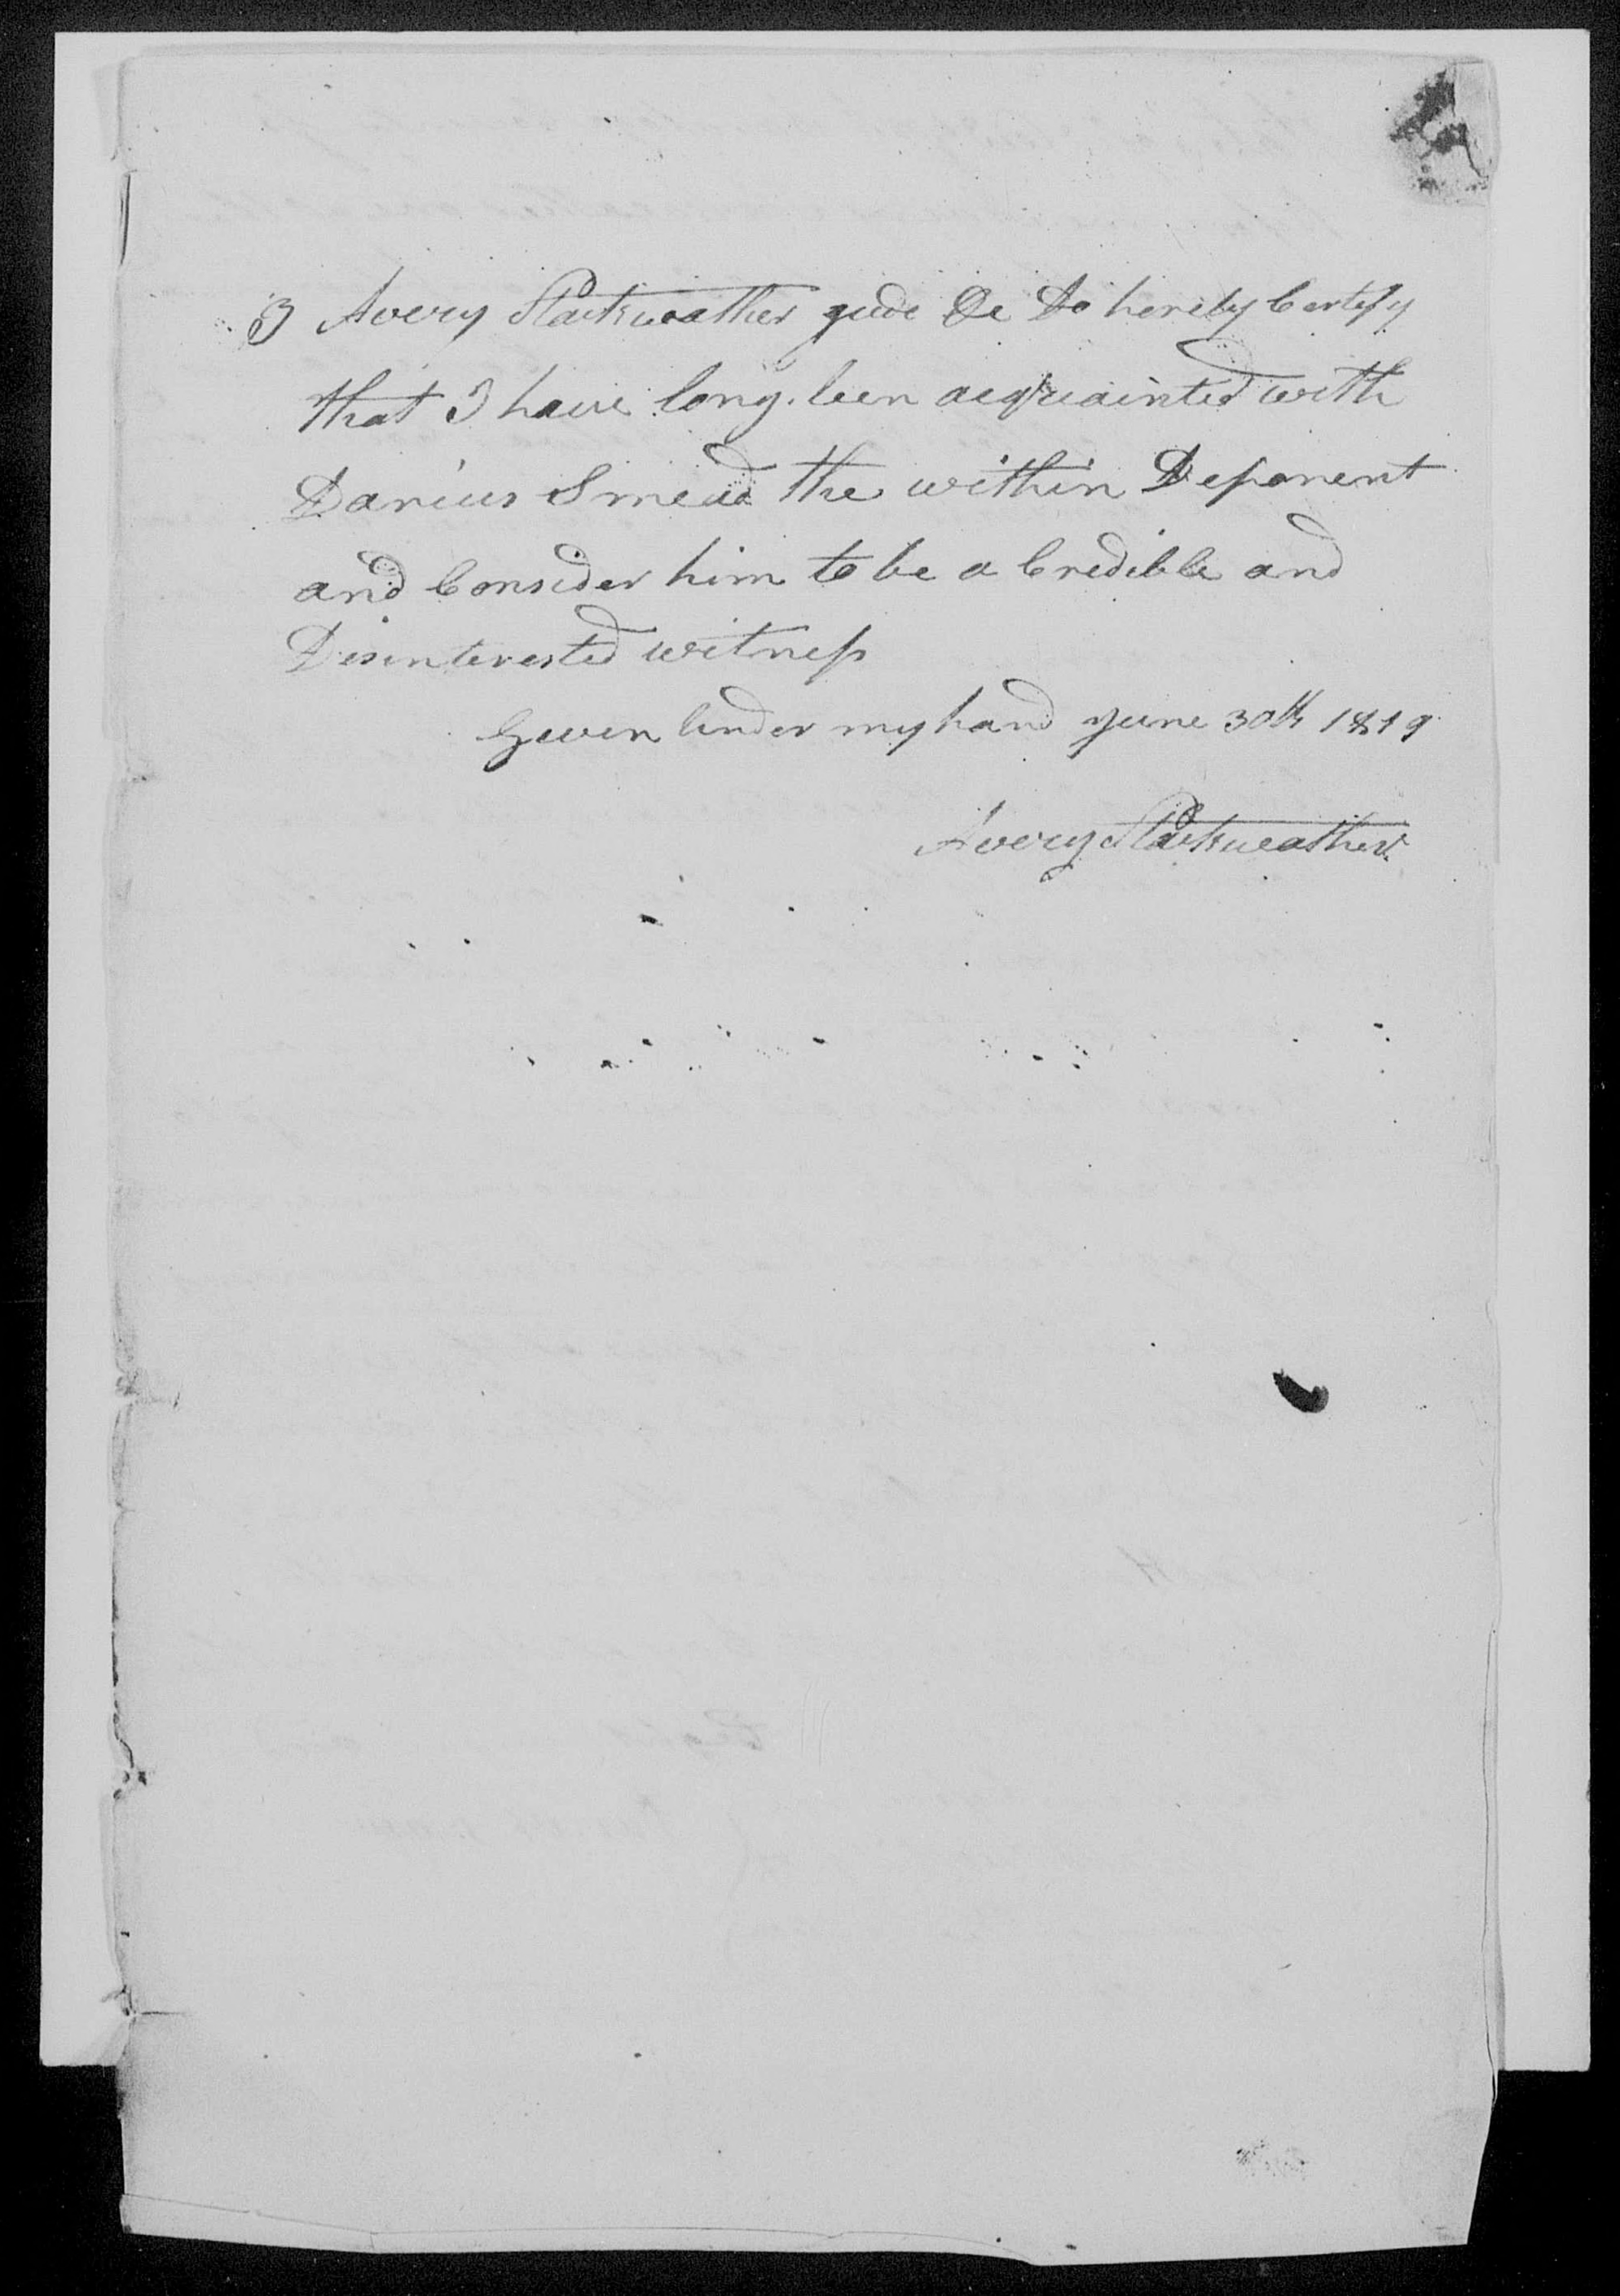Avery Starkweather Jude De Do hereby certify
that I have long been acquainted with
Davies Smead the within deponent
and consider him to be a credible and
Disinterested witness
Given under my hand June 30 1819
Avery Starkweather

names: Avery Stockweather, Avery Stockweather, Darius Smead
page: 52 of 56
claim: survivor's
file: S. 40,055, Samuel Downing, N.H.